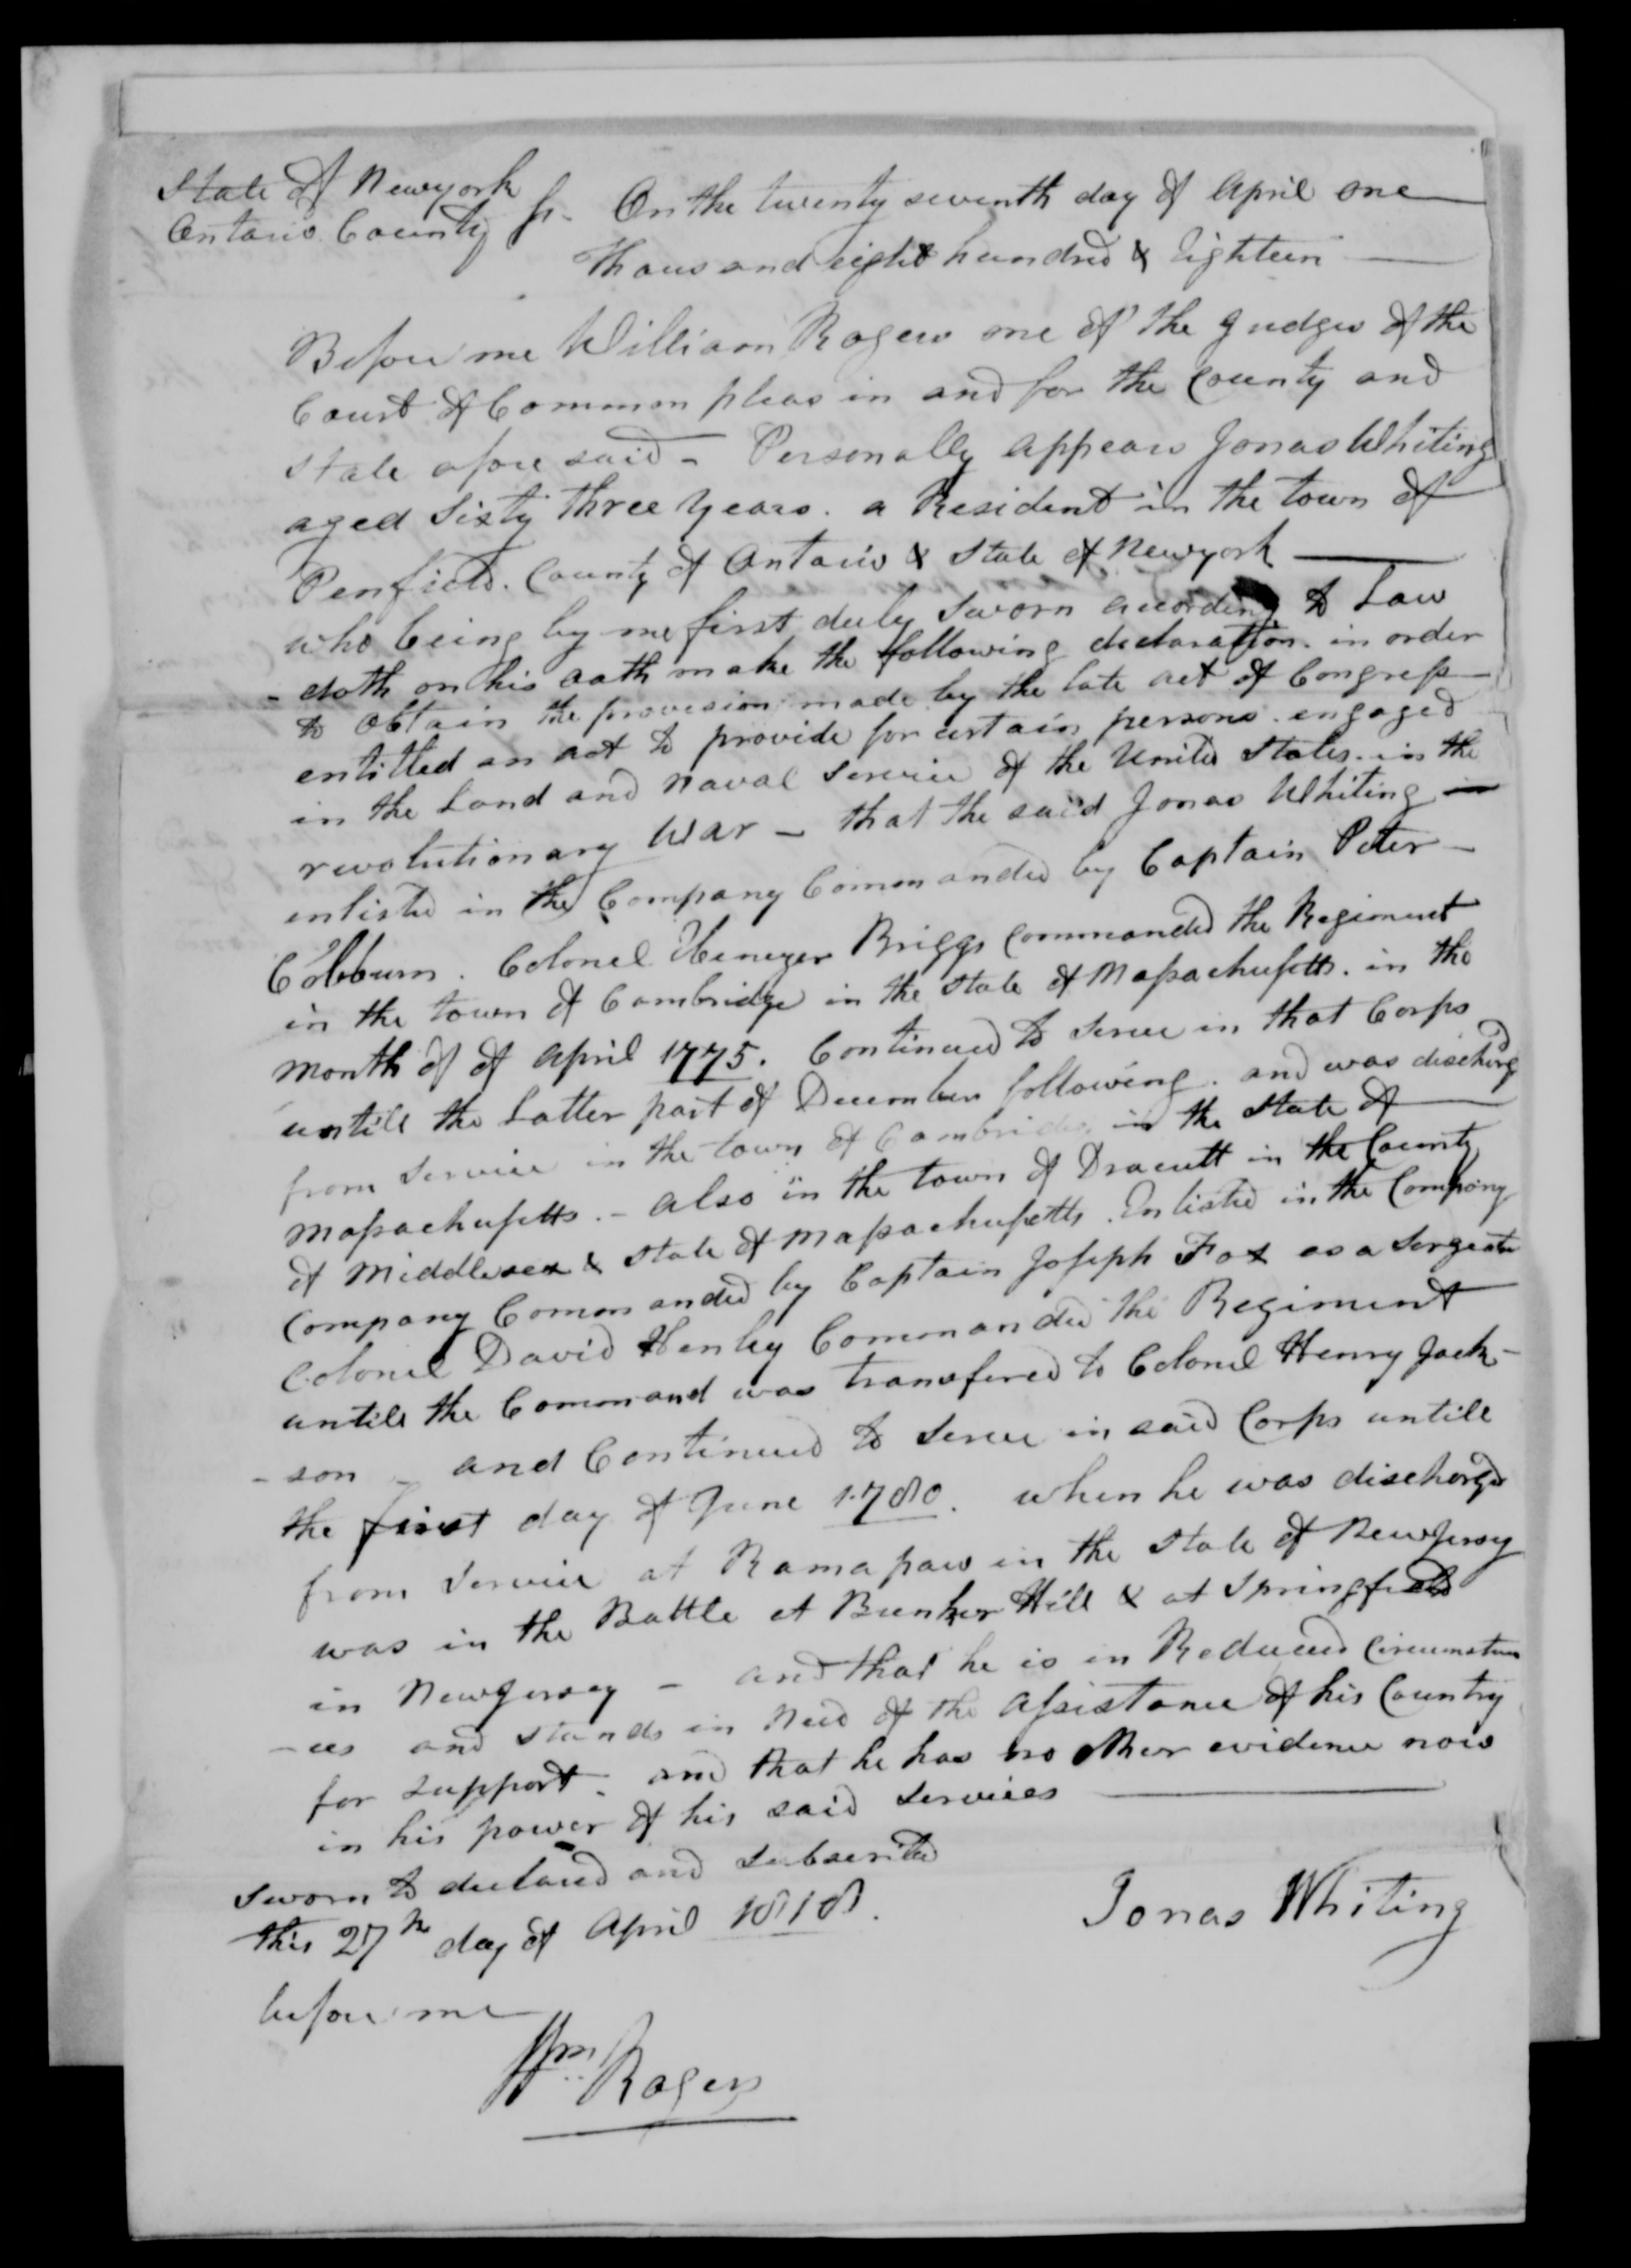State of Newyork
Ontario County SS 
On the twenty seventh day of April one thousand eight hundred & eighteen before me William Rogers one of the Judges of the Court of Common pleas in and for the county and state aforesaid Personally appears Jonas Whiting aged sixty three years a resident in the town of Penfield, County of Ontario & state of Newyork, who being by me first duly sworn according to Law doth on his oath make the following declaration in order to obtain the provision made by the late act of Congress entitled An Act to provide for certain persons engaged in the land and naval service of the United States in the revolutionary War. That the said Jonas Whiting enlisted in the Company commanded by Captain Peter Colburn, Colonel Ebenezer Briggs commanded the Regiment in the town of Cambridge in the state of Massachusetts in the month of of April 1775. Continued to serve in that corps untill the latter part of December following and was discharged from service in the town of Cambridge in the state of Massachusetts. also in the town of Dracutt in the County of Middlesex and state of Massachusetts enlisted in the company company commanded by Captain Joseph Fox as a Sergeant Colonel David Henley commanded the Regiment untill the command was transfered to Colonel Henry Jackson and continued to serve in said Corps untill the first day of June 1780, when he was discharged from service at Ramapo in the state of New Jersey was in the Battle at Bunder Hill and at Springfield in New Jersey and that he is in reduced circumstances and stands in need of the assistance of his country for support and that he has no other evidence now in his power of his said services.
Jonas Whiting
Sworn to declared and subscribed this 27th day of April 1818 before me
Wm. Rogers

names: Joseph Fox, Henry Jackson, Jonas Whiting, David Henley, William Rogers, Ebenezer Briggs, Peter Coleburn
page: 5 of 22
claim: survivor's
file: S. 43298, Jonas Whiting, Mass.